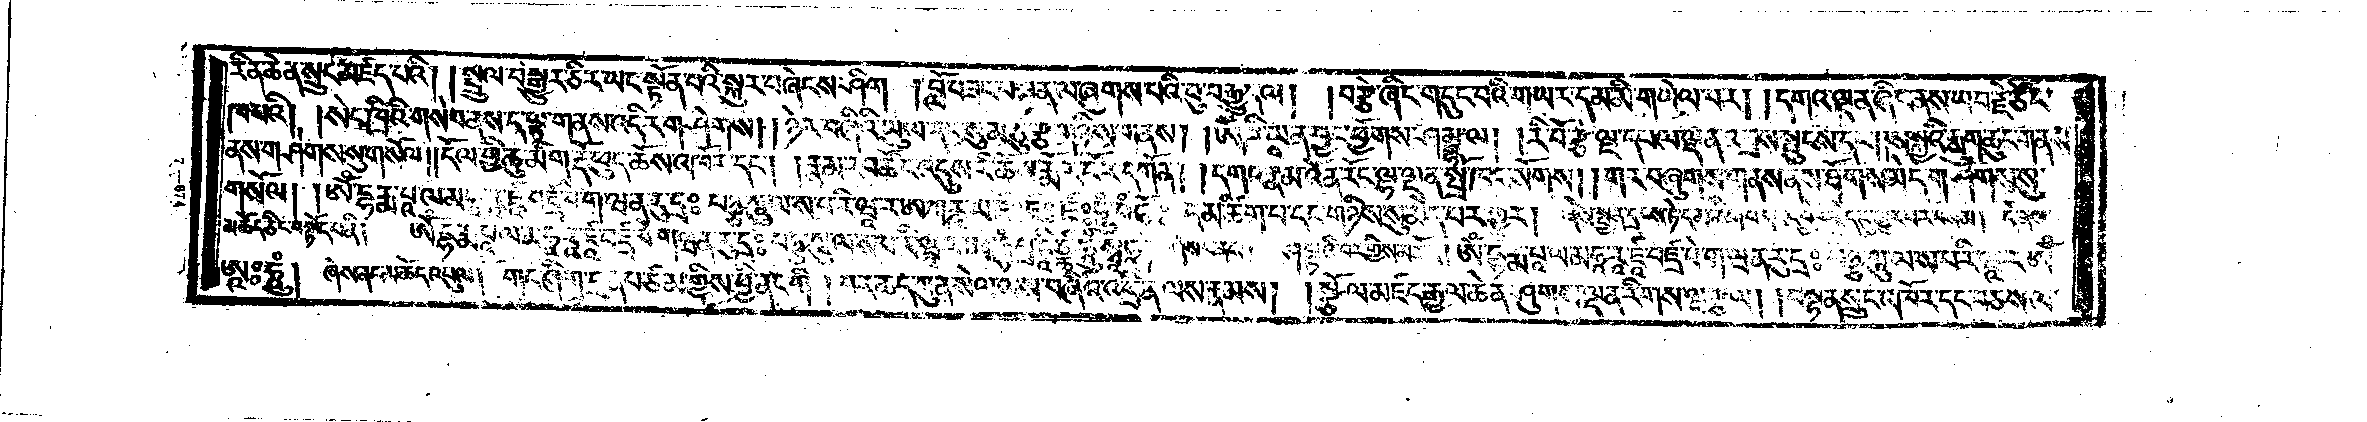རིན་ཆེན་སྲུང་མཛད་པའི། སྤྲུལ་བསྒྱུར་ཅིར་ཡང་སྟོན་པའི་སྐུར་བཞེངས་ཤིག །བློ་བཟང་བསྟན་ལ་ཞུགས་པའི་བུ་བརྒྱུད་ལ། །བརྩེ་ཞིང་གདུང་བའི་གཡར་དམ་མི་གཡེལ་བར། །དགའ་ལྡན་ཞིང་ནས་ཡབ་རྗེ་ཙོང་
ཁ་པའི། །སེང་ཁྲིའི་གསེབ་ནས་ད་ལྟ་གནས་འདིར་གཤེགས། །ཉེར་བཞིའི་ཡུལ་དང་སུམ་ཅུ་རྩ་གཉིས་གནས། །ཨོཾ་ཌི་ཡཱ་ན་བྱང་ཕྱོགས་ཤམྦྷ་ལ། །རི་བོ་རྩེ་ལྔ་དཔལ་ལྡན་འབྲས་སྤུངས་དང་། །ས་སྐྱའི་རྨུག་ཆུང་གནས་
ནས་གཤེགས་སུ་གསོལ། །དོལ་གྱི་ཆུ་མིག་རྡོ་ཕུད་ཆོས་འཁོར་དང་། །རྣམ་རབ་ཚོང་འདུས་རི་ཆོས་རྨོར་ངོར་དགོན། །དགའ་རྣམ་འོན་རོང་ལྷ་ལྡན་སྤྲོ་ཁང་སོགས། །གར་བཞུགས་གནས་ནས་ཐོགས་མེད་གཤེགས་སུ་
གསོལ། །ཨོཾ་དྷརྨ་པཱ་ལ་མཧཱ་རཱ་ཛཱ་བཛྲ་བེ་ག་ཝ་ན་རུ་དྲཿ པཉྩ་ཀྵུ་ལ་ས་པ་རི་ཝཱ་ར་ཨ་ཀརྵ་ཡ་ཛཿཛཿཛཿཧཱུཾ་བཾ་ཧོཿ དམ་ཚིག་པ་དང་གཉིས་སུ་མེད་པར་གྱུར། ཞེས་སྤྱན་དྲངས་ཏེ་དམ་ཚིག་པ་དང་དབྱེར་མེད་དུ་གྱུར་བར་བསམ། དེ་ནས་
མཆོད་ཅིང་བསྟོད་པ་ནི། ཨོཾ་དྷརྨ་པཱ་ལ་མྷཱ་རཱ་ཛཱ་བཛྲ་བེ་ག་ཝན་རུ་དྲཿཔཉྩ་ཀཱུ་ལ་ས་པ་རི་ཝཱ་ར་ཨརྒྷཾ་པྲ་ཏཱིཙྪ་ཧཱུཾ་སྭཱཧཱ། ཞེས་པ་ནས།  ཤཔྟའི་བར་གྱིས་མཆོད། ཨོཾ་དྷརྨ་པཱ་ལ་མཧཱ་རཱ་ཛཱ་བཛྲ་བེ་ག་ཝན་རུ་དྲཿཔཉྩ་ཀཱུ་ལ་ས་པ་རི་ཝཱ་ར་ཨོཾ་
ཨཱཿཧཱུཾ། ཞེས་ནང་མཆོད་འབུལ།  གང་ཞིག་དྲན་པ་ཙམ་གྱིས་ཕྱི་ནང་གི །བར་ཆད་ཀུན་སེལ་ལས་བཞིའི་འཕྲིན་ལས་རྣམས། །སྩོལ་མཛད་རྒྱལ་ཆེན་ཤུགས་ལྡན་རིགས་ལྔ་རྩལ། །བསྟན་སྲུང་འཁོར་དང་བཅས་ལ་